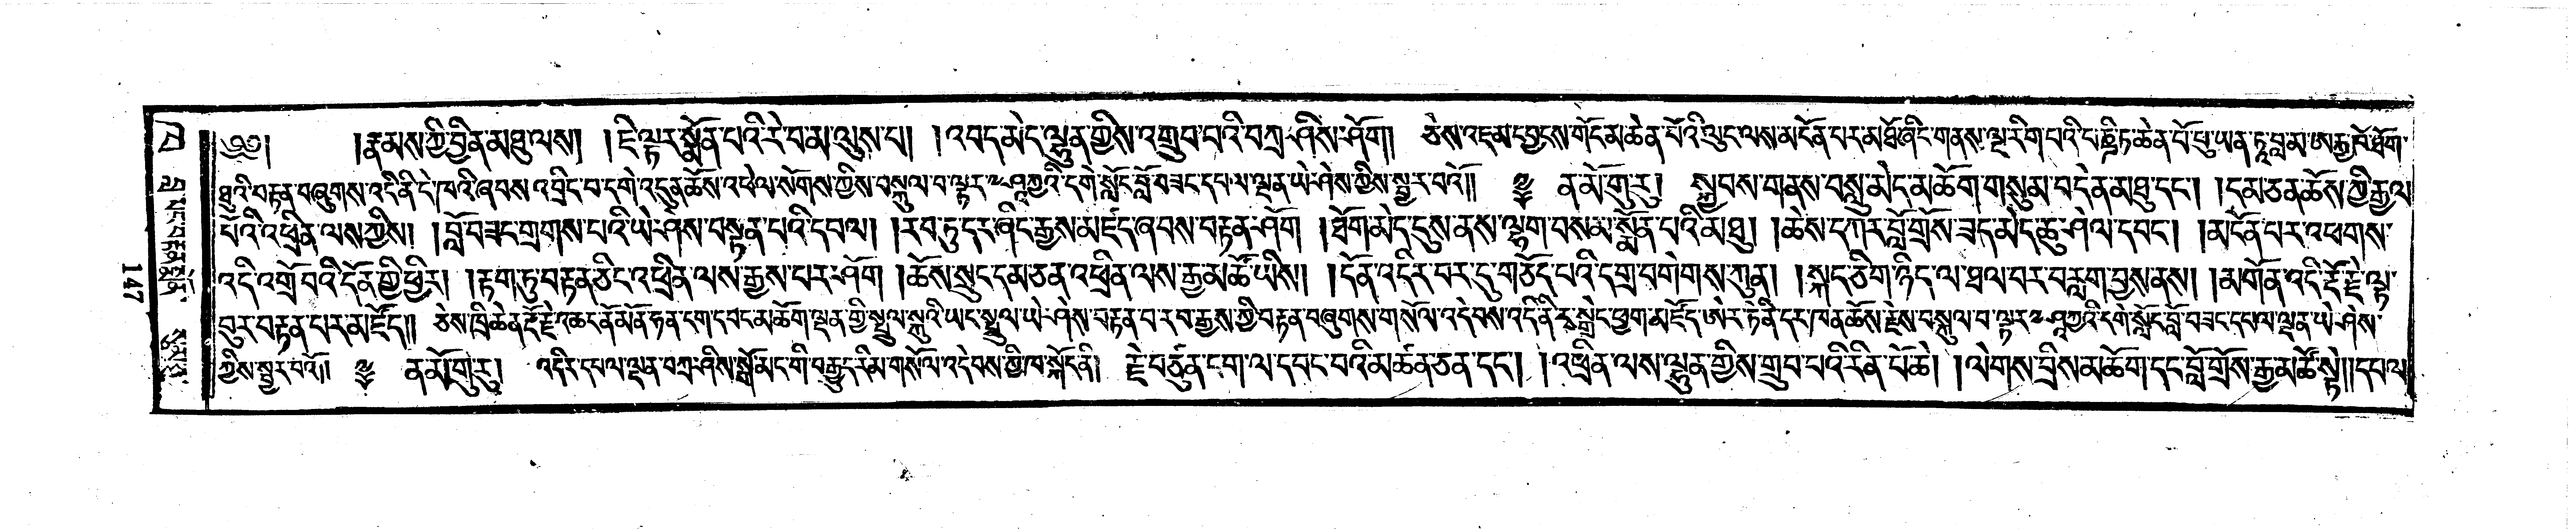༄༅། །རྣམས་ཀྱི་བྱིན་མཐུ་ལས། །ཇི་ལྟར་སྨོན་པའི་རེ་བ་མ་ལུས་པ། །འབད་མེད་ལྷུན་གྱིས་འགྲུབ་པའི་བཀྲ་ཤིས་ཤོག། ཅེས་འཇམ་དབྱངས་གོང་མ་ཆེན་པོའི་ལུང་ལས་མངོན་པར་མཐོ་ཞིང་གནས་ལྔ་རིག་པའི་པཎྜི་ཏ་ཆེན་པོ་ཕུ་ཡན་ཏཱ་བླ་མ་ཨ་རྐྱ་ཁོ་ཐོག་
ཐུའི་བརྟན་བཞུགས་འདི་ནི་དེ་ཁའི་ཞབས་འབྲིང་བ་དགེ་འདུན་ཆོས་འཕེལ་སོགས་ཀྱིས་བསྐུལ་བ་ལྟར་༧་ཤཱཀྱའི་དགེ་སློང་བློ་བཟང་དཔལ་ལྡན་ཡེ་ཤེས་ཀྱིས་སྦྱར་བའོ།། ༈ ན་མོ་གུ་རུ། སྐྱབས་གནས་བསླུ་མེད་མཆོག་གསུམ་བདེན་མཐུ་དང་། །དམ་ཅན་ཆོས་ཀྱི་རྒྱལ་
པོའི་འཕྲིན་ལས་ཀྱིས། །བློ་བཟང་གྲགས་པའི་ཡེ་ཤེས་བསྟན་པའི་དབལ། །རབ་ཏུ་དར་ཞིང་རྒྱས་མཛད་ཞབས་བརྟན་ཤོག །ཐོག་མེད་དུས་ནས་ལྷག་བསམ་སྨོན་པའི་མཐུ། །ཆེས་དཀར་བློ་གྲོས་ཟད་མེད་ཆུ་ཤེལ་དབང་། །མངོན་པར་འཕགས་
འདི་འགྲོ་བའི་དོན་གྱི་ཕྱིར། །རྟག་ཏུ་བརྟན་ཅིང་འཕྲིན་ལས་རྒྱས་པར་ཤོག །ཆོས་སྲུང་དམ་ཅན་འཕྲིན་ལས་རྒྱ་མཚོ་ཡིས། །དོན་འདིར་བར་དུ་གཅོད་པའི་དགྲ་བགེགས་ཀུན། །སྐད་ཅིག་ཉིད་ལ་ཐལ་བར་བརླག་བྱས་ནས། །མགོན་འདི་རྡོ་རྗེ་ལྟ་
བུར་བརྟན་པར་མཛོད།། ཅེས་ཁྲི་ཆེན་རྡོ་རྗེ་འཆང་ནོ་མོན་ཧན་ངག་དབང་མཆོག་ལྡན་གྱི་སྤྲུལ་སྐུའི་ཡང་སྤྲུལ་ཡེ་ཤེས་བརྟན་བ་རབ་རྒྱས་ཀྱི་བརྟན་བཞུགས་གསོལ་འདེབས་འདི་ནི་རྭ་སྒྲེང་ཕྱག་མཛོད་ཨེར་ཏེ་ནི་དར་ཁན་ཆོས་རྗེས་བསྐུལ་བ་ལྟར་༧་ཤཱཀྱའི་དགེ་སློང་བློ་བཟང་དཔལ་ལྡན་ཡེ་ཤེས་
ཀྱིས་སྦྱར་བའོ།། ༈ ན་མོ་གུ་རུ། འདིར་དཔལ་ལྡན་བཀྲ་ཤིས་སྒོ་མང་གི་བརྒྱུད་རིམ་གསོལ་འདེབས་ཀྱི་ཁ་སྐོང་ནི། རྗེ་བཙུན་ངག་ལ་དབང་བའི་མཚན་ཅན་དང་། །འཕྲིན་ལས་ལྷུན་གྱིས་གྲུབ་པའི་རིན་པོ་ཆེ། །ལེགས་བྲིས་མཆོག་དང་བློ་གྲོས་རྒྱ་མཚོ་སྟེ། །དཔལ་